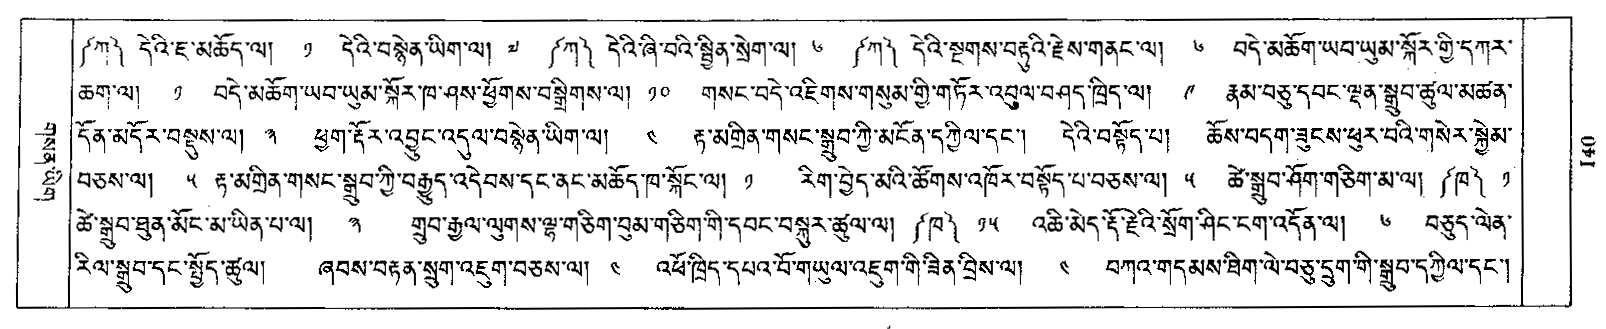?ཀ༼་དེའི་ཇ་མཆོད་ལ། ༡་དེའི་བསྙེན་ཡིག་ལ། ༧་?ཀ༽ དེའི་ཞི་བའི་སྦྱིན་སྲེག་ལ། ༦་?ཀ་དེའི་སྔགས་བརྟུའི་རྗེས་གནང་ལ། ༦་བདེ་མཆོག་ཡབ་ཡུམ་སྐོར་གྱི་དཀར་
ཆག་ལ། ༡་བདེ་མཆོག་ཡབ་ཡུམ་སྐོར་ཁ་ཤས་ཕྱོགས་བསྒྲིགས་ལ། ༡༠་གསང་བདེ་འཇིགས་གསུམ་གྱི་གཏོར་འབུལ་བཤད་ཁྲིད་ལ། ༩་རྣམ་བཅུ་དབང་ལྡན་སྒྲུབ་ཚུལ་མཚན་
དོན་མདོར་བསྡུས་ལ། ༣་ཕྱག་རྡོར་འབྱུང་འདུལ་བསྙེན་ཡིག་ལ། ༤་རྟ་མགྲིན་གསང་སྒྲུབ་ཀྱི་མངོན་དཀྱིལ་དང་། དེའི་བསྟོད་པ། ཆོས་བདག་ཟུངས་ཕུར་བའི་གསེར་སྐྱེམ་
བཅས་ལ། ༥་རྟ་མགྲིན་གསང་སྒྲུབ་ཀྱི་བརྒྱུད་འདེབས་དང་ནང་མཆོད་ཁ་སྐོང་ལ། ༡་རིག་བྱེད་མའི་ཚོགས་འཁོར་བསྟོད་པ་བཅས་ལ། ༥་ཚེ་སྒྲུབ་ཤོག་གཅིག་མ་ལ། ?ཁ ༡
ཚེ་སྒྲུབ་ཐུན་མོང་མ་ཡིན་པ་ལ། ༣་གྲུབ་རྒྱལ་ལུགས་ལྷ་གཅིག་བུམ་གཅིག་གི་དབང་བསྐུར་ཚུལ་ལ། ?ཁ ༡༥་འཆི་མེད་རྡོ་རྗེའི་སྲོག་ཤིང་ངག་འདོན་ལ། ༦་བཅུད་ལེན་
རིལ་སྒྲུབ་དང་སྤྱོད་ཚུལ། ཞབས་བརྟན་སྲུག་འཇུག་བཅས་ལ། ༤་འཕོ་ཁྲིད་དཔའ་བོ་གཡུལ་འཇུག་གི་ཟིན་བྲིས་ལ། ༤་བཀའ་གདམས་ཐིག་ལེ་བཅུ་དྲུག་གི་སྒྲུབ་དཀྱིལ་དང་།